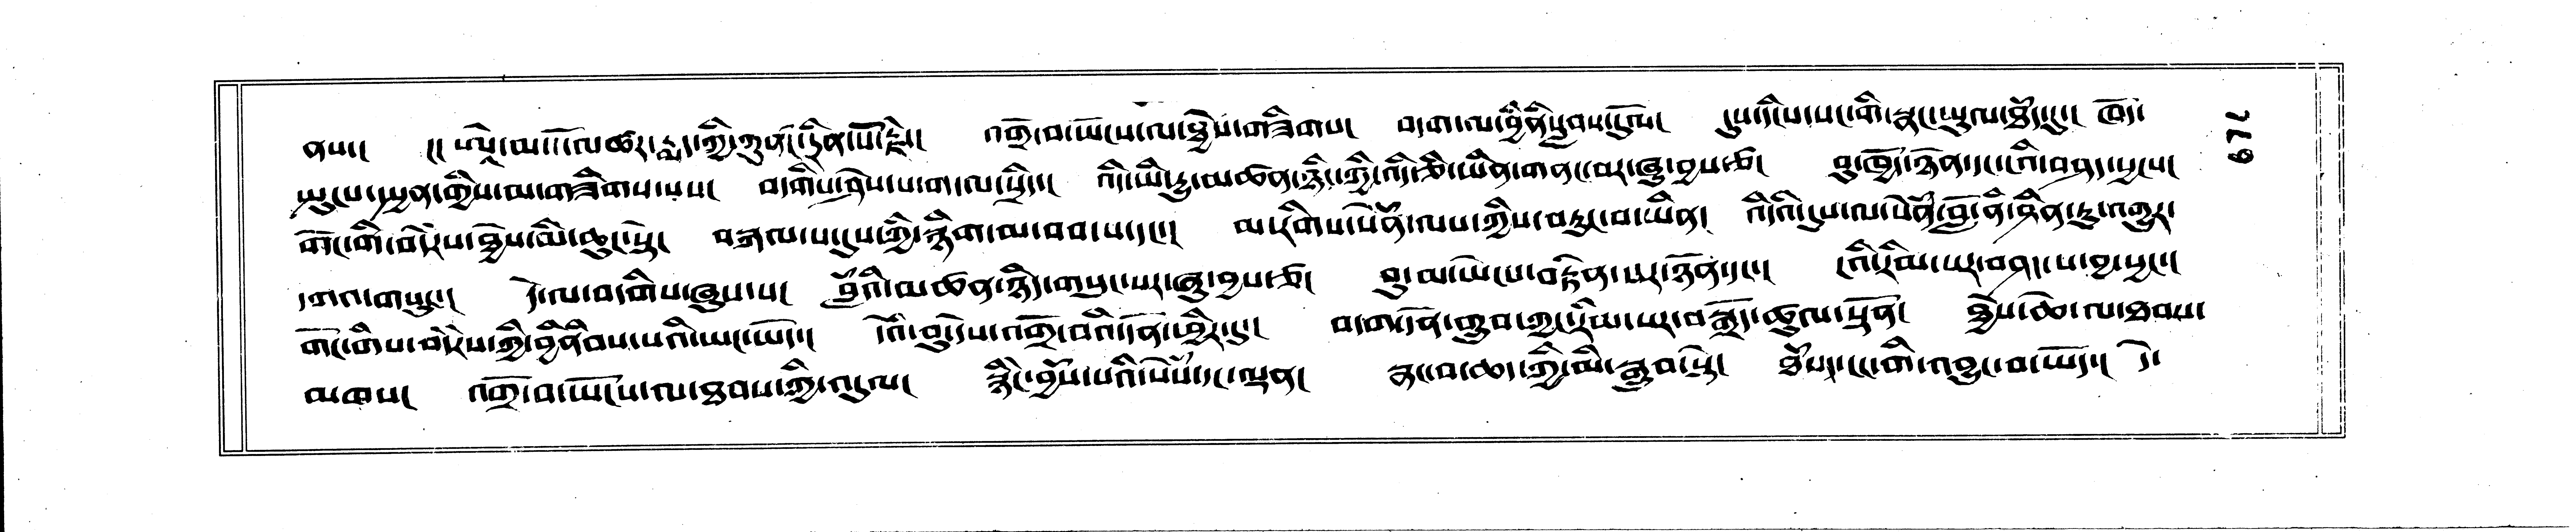ཨེ་མ་ངོ་མཚར་ཀུན་གྱིས་དཔལ། ཀུན་བཟང་ངོའོ་དྲན་པ་རྗེ། འགྲོ་བ་ཡོངས་ལ་ཐུགས་རྗེས་གཟིགས། བདག་ལ་བྱིན་གྱིས་རླབས་དུ་གསོལ། དུས་དིང་སང་གི་སྣང་ཡུལ་ཐམས་ཅད་རྣམས། ཁོད་
སྤུངས་སྤྱན་གྱིས་མི་གཟིགས་སམ། བདག་གིས་ཤེས་པ་ག་ལ་སྲིད། འདིའི་རྒྱུ་མཚན་ཉིད་ཀྱིས་གནང་༼ནངས་༽པར་ཞུ་བ་བགྱིས་ཛ། བླ་ཆེན་གྱི་ཞལ་ནས། བུ་ཉོན་དང་ངའི་བཤད་གསུངས། 
གོང་གིས་བདེར་གཤེགས་ཐུགས་རྗེ་མི་ཆུང་ཏེ། སྐལ་༼བསྐལ༽བ་དུས་ཀྱིས་སྙིགས་མ་ལ་བབ་པ་དང་། མ་རིག་སེམས་ཅན་ལས་ཀྱིས་གདུང་བ་ཡིན། དེའི་དུས་སུ་བློ་ནི་ཤིན་དུ་འགྱུར་
དཀའ་བས། དེ་ལ་བདག་གིས་ཞུས་ནས། བླ་མའི་མཚན་ཉིད་གསུངས་པར་ཞུ་བྱས་ཛ། བུ་མ་ཡེང་བརྟེན་པར་ཉོན་གཅིག་ངའི་༼ངས༽བཤད་གསུངས། 
གོང་གིས་བདེར་གཤེགས་ཀྱིས་བྱིན་ཀྱི་༼གྱིས༽རླབས་པ་ཡང་ཡོད། དེའི་བླ་མ་དེ་ཐུགས་རྗེ་ཆེ་ལ་ཐབས་ལ་
མཁས་པ། འགྲོ་བ་ཐབས་ཀྱི་འདུལ་བ། སྙིང་རྗེ་བྱམས་སེམས་ལྡན་པ། སྣང་བ་ཐབས་ཀྱི་མི་བསྒྲུབས་ཀྱང་། ཐམས་ཅད་ངང་གིས་འགྲུབ་པ་གཅིག་ཡོད། དེ་